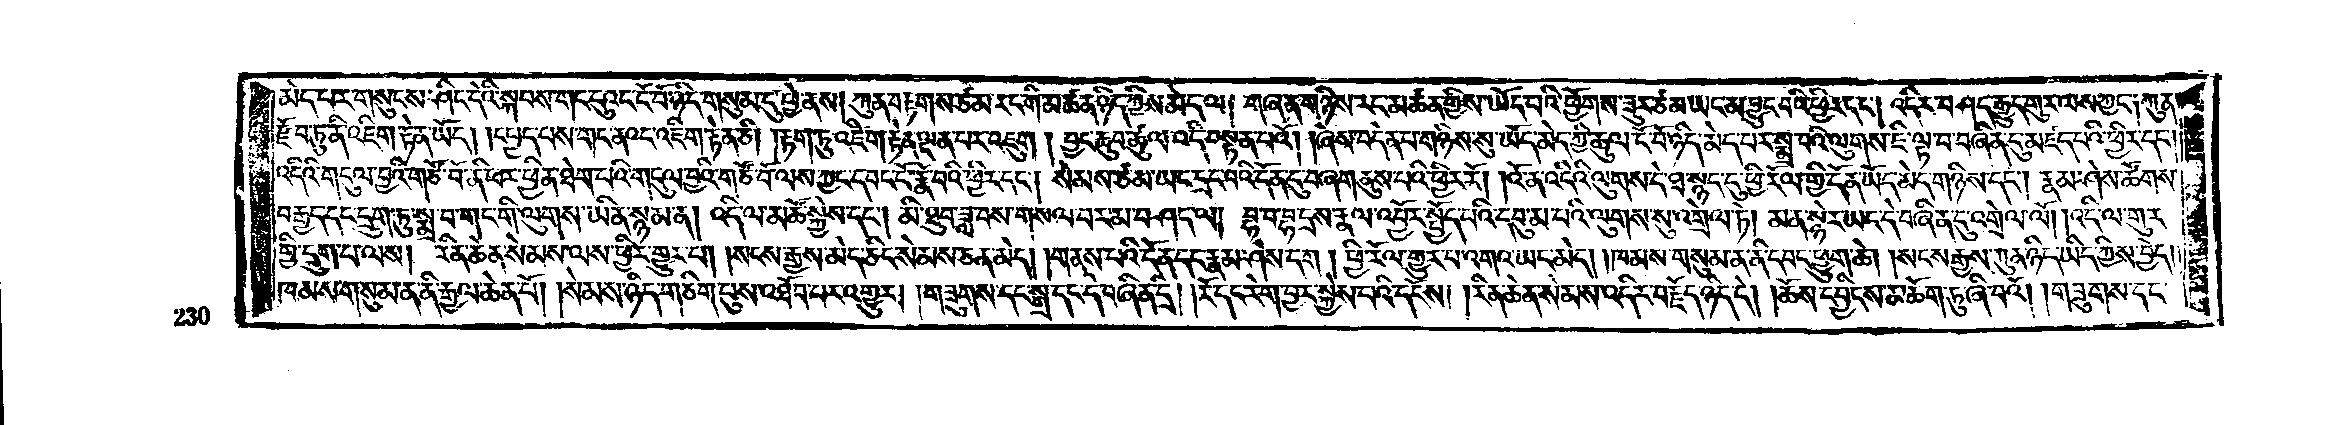མེད་པར་གསུངས་ཤིང་དེའི་སྐབས་གང་དུའང་ངོ་བོ་ཉིད་གསུམ་དུ་ཕྱེ་ནས། ཀུན་བརྟགས་ཙམ་རང་གི་མཚན་ཉིད་ཀྱིས་མེད་ལ། གཞན་གཉིས་རང་མཚན་གྱིས་ཡོད་པའི་ཕྱོགས་ཟུར་ཙམ་ཡང་མ་བྱུང་བའི་ཕྱིར་དང་། འདིར་བཤད་རྒྱུད་གུར་ལས་ཀྱང་། ཀུན་
རྫོབ་ཏུ་ནི་འཇིག་རྟེན་ཡོད། །དཔྱད་པས་གང་ནའང་འཇིག་རྟེན་ཅི། །རྟག་ཏུ་འཇིག་རྟེན་ལྡན་པར་འཇུག །བྱང་ཆུབ་ཚུལ་འདི་བསྟན་པའོ། །ཞེས་བདེན་པ་གཉིས་སུ་ཡོད་མེད་ཀྱི་ཚུལ་ངོ་བོ་ཉིད་མེད་པར་སྨྲ་བའི་ལུགས་ཇི་ལྟ་བ་བཞིན་དུ་མཛད་པའི་ཕྱིར་དང་།
འདིའི་གདུལ་བྱའི་གཙོ་བོ་ནི་ཕར་ཕྱིན་ཐེག་པའི་གདུལ་བྱའི་གཙོ་བོ་ལས་ཀྱང་དབང་ངོ་རྣོ་བའི་ཕྱིར་དང་། སེམས་ཙམ་ཡང་དྲང་བའི་དོན་དུ་བཞག་ནུས་པའི་ཕྱིར་རོ། །འོ་ན་འདིའི་ལུགས་དེ་ཐ་སྙད་དུ་ཕྱི་རོལ་གྱི་དོན་ཡོད་མེད་གཉིས་དང་། རྣམ་ཤེས་ཚོགས་
བརྒྱད་དང་དྲུག་ཏུ་སྨྲ་བ་གང་གི་ལུགས་ཡིན་སྙམ་ན། འདི་ལ་མཚོ་སྐྱེས་དང་། མི་ཐུབ་ཟླ་བས་གསལ་བར་མ་བཤད་ལ། བྷ་བ་བྷ་དྲས་རྣལ་འབྱོར་སྤྱོད་པའི་དབུ་མ་པའི་ལུགས་སུ་འགྲེལ་ཏེ། མན་སྙེར་ཡང་དེ་བཞིན་དུ་འགྲེལ་ལོ། །འདི་ལ་གུར་
གྱི་དྲུག་པ་ལས། རིན་ཆེན་སེམས་ལས་ཕྱིར་གྱུར་པ། །སངས་རྒྱས་མེད་ཅིང་སེམས་ཅན་མེད། །གནས་པའི་དོན་དང་རྣམ་ཤེས་དག །ཕྱི་རོལ་གྱུར་པ་འགའ་ཡང་མེད། །ཁམས་གསུམ་ན་ནི་དབང་ཕྱུག་ཆེ། །སངས་རྒྱས་ཀུན་ཉིད་ཡིད་ཀྱིས་བྱེད། །
ཁམས་གསུམ་ན་ནི་རྒྱལ་ཆེན་པོ། །སེམས་ཉིད་གཅིག་པུས་འཐོབ་པར་འགྱུར། །གཟུགས་དང་སྒྲ་དང་དེ་བཞིན་དྲི། །རོ་དང་རེག་བྱར་སྐྱེས་པའི་དངོས། །རིན་ཆེན་སེམས་འདིར་བརྗོད་ཉིད་དེ། །ཆོས་དབྱིངས་མཆོག་ཏུ་ཞི་བའོ། །གཟུགས་དང་